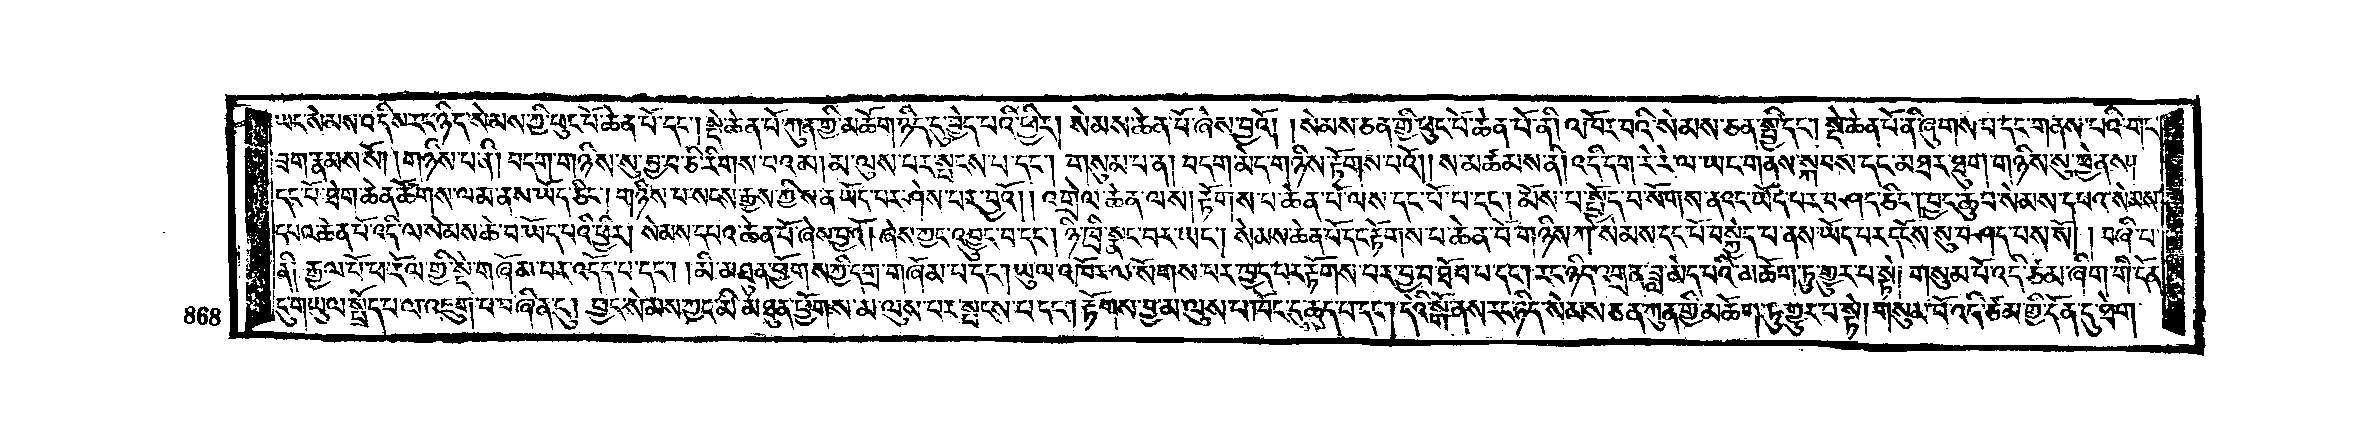ཡང་སེམས་འདིས་རང་ཉིད་སེམས་ཀྱི་ཕུང་པོ་ཆེན་པོ་དང་། སྡེ་ཆེན་པོ་ཀུན་གྱི་མཆོག་ཉིད་དུ་བྱེད་པའི་ཕྱིར། སེམས་ཆེན་པོ་ཞེས་བྱའོ། །སེམས་ཅན་གྱི་ཕུང་པོ་ཆེན་པོ་ནི། འཁོར་བའི་སེམས་ཅན་སྤྱི་དང་། སྡེ་ཆེན་པོ་ནི་ཞུགས་པ་དང་གནས་པའི་གང་
ཟག་རྣམས་སོ། །གཉིས་པ་ནི། བདག་གཉིས་སུ་བྱ་བ་ཅི་རིགས་པའམ། མ་ལུས་པར་སྤངས་པ་དང་། གསུམ་པ་ན། བདག་མེད་གཉིས་རྟོགས་པའོ། །ས་མཚམས་ནི། འདི་དག་རེ་རེ་ལ་ཡང་གནས་སྐབས་དང་མཐར་ཐུག་གཉིས་སུ་ཕྱེ་ནས།
དང་པོ་ཐེག་ཆེན་ཚོགས་ལམ་ནས་ཡོད་ཅིང་། གཉིས་པ་སངས་རྒྱས་ཀྱི་ས་ན་ཡོད་པར་ཤེས་པར་བྱའོ། །འགྲེལ་ཆེན་ལས། རྟོགས་པ་ཆེན་པོ་ལས་དང་པོ་པ་དང་། མོས་པ་སྤྱོད་པ་སོགས་ནའང་ཡོད་པར་བཤད་ཅིང་། བྱང་ཆུབ་སེམས་དཔའ་སེམས་
དཔའ་ཆེན་པོ་འདི་ལ་སེམས་ཆེ་བ་ཡོད་པའི་ཕྱིར། སེམས་དཔའ་ཆེན་པོ་ཞེས་བྱའོ། ཞེས་ཀྱང་འབྱུང་བ་དང་། ཉི་ཁྲི་སྣང་བར་ཡང་། སེམས་ཆེན་པོ་དང་རྟོགས་པ་ཆེན་པོ་གཉིས་ཀ་སེམས་དང་པོ་བསྐྱེད་པ་ནས་ཡོད་པར་དངོས་སུ་བཤད་པས་སོ། །བཞི་པ་
ནི། རྒྱལ་པོ་ཕ་རོལ་གྱི་སྡེ་གཞོམ་པར་འདོད་པ་དང་། །མི་མཐུན་ཕྱོགས་ཀྱི་དགྲ་གཞོམ་པ་དང་། ཡུལ་འཁོར་ལ་སོགས་པར་ཁྱད་པར་རྟོགས་པར་བྱ་བ་ཐོབ་པ་དང་། རང་ཉིད་འགྲན་ཟླ་མེད་པའི་མཆོག་ཏུ་གྱུར་པ་སྟེ། གསུམ་པོ་འདི་ཙམ་ཞིག་གི་དོན་
དུ་གཡུལ་སྤྲོད་པ་ལ་འཇུག་པ་བཞིན་དུ། བྱང་སེམས་ཀྱང་མི་མཐུན་ཕྱོགས་མ་ལུས་པར་སྤངས་པ་དང་། རྟོགས་བྱ་མ་ལུས་པ་ཁོང་དུ་ཆུད་པ་དང་། དེའི་སྒོ་ནས་རང་ཉིད་སེམས་ཅན་ཀུན་གྱི་མཆོག་ཏུ་གྱུར་པ་སྟེ། གསུམ་པོ་འདི་ཙམ་གྱི་དོན་དུ་ཐེག་